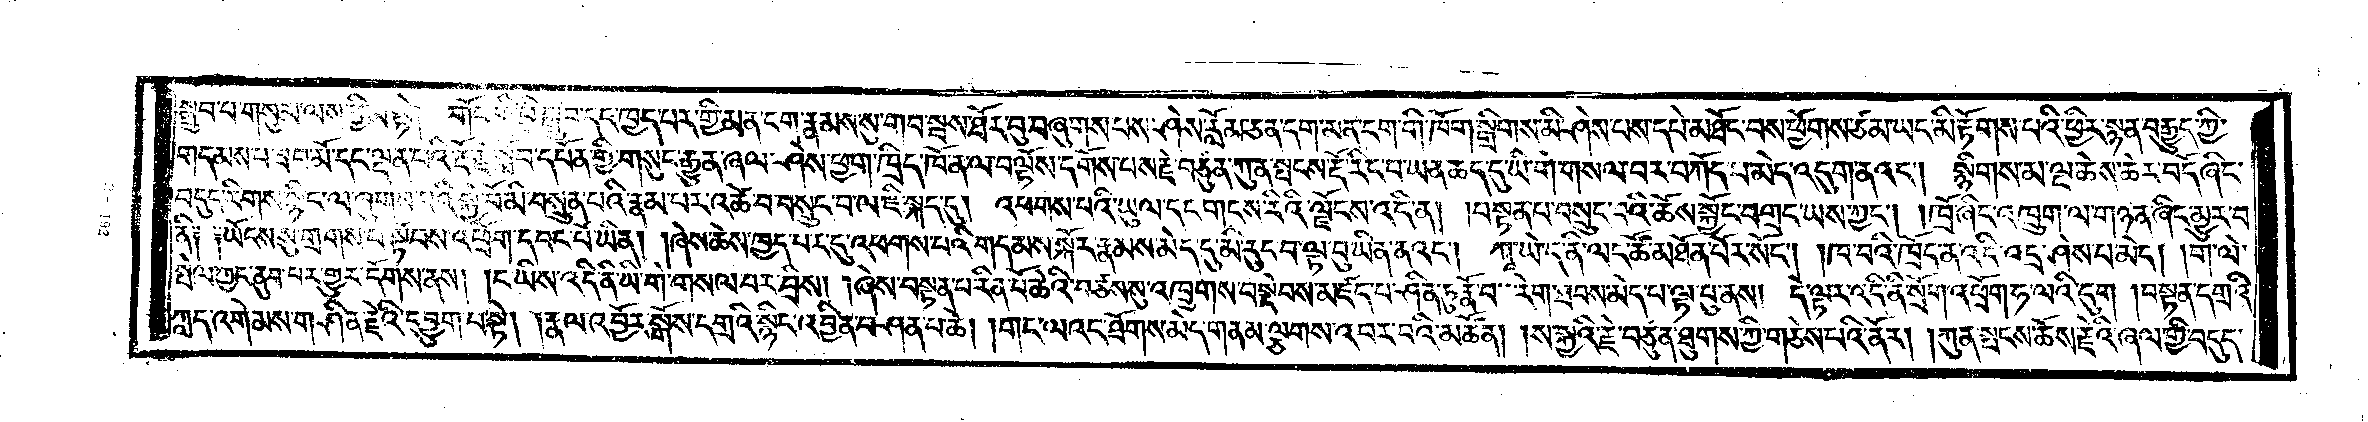སྒྲུབ་བ་གསུམ་ལས་ཕྱེ་མ་སྟེ། གོང་གི་ཕྱི་སྒྲུབ་དང་ཁྱད་པར་གྱི་མན་ངག་རྣམས་སུ་གབ་སྦས་ཐོར་བུ་བཞུགས་པས་ཤེས་རློམ་ཅན་དག་མན་ངག་གི་ཁོག་སྒྲིགས་མི་ཤེས་པས་དཔེ་མཐོང་བས་ཕྱོགས་ཙམ་ཡང་མི་རྟོགས་པའི་ཕྱིར་སྙན་བརྒྱུད་ཀྱི་
གདམས་པ་ཟབ་མོ་དང་ལྡན་པའི་རྡོ་རྗེ་སློབ་དཔོན་གྱི་གསུང་རྒྱུན་ཞལ་ཤེས་ཕྱག་ཁྲིད་ཁོ་ན་ལ་བལྟོས་དགོས་པས་རྗེ་བཙུན་ཀུན་སྤངས་རྡོ་རིང་བ་ཡན་ཆད་དུ་ཡི་གེ་གསལ་བར་བཀོད་པ་མེད་འདུག་ནའང་། སྙིགས་མ་ལྔ་ཆེས་ཆེར་བདོ་ཞིང་
བདུད་རིགས་སྙིང་ལ་ཞུགས་པའི་སྐྱེ་བོ་མི་བསྲུན་པའི་རྣམ་པར་འཚེ་བ་བསྲུང་བ་ལ་ཇི་སྐད་དུ། འཕགས་པའི་ཡུལ་དང་གངས་རིའི་ལྗོངས་འདི་ན། །བསྟན་པ་བསྲུང་བའི་ཆོས་སྐྱོང་བགྲང་ཡས་ཀྱང་། །ཁྲོ་ཞིང་འཁྲུག་ལ་གཉན་ཞིང་མྱུར་བ་
མི། །ཡོངས་སུ་གྲགས་པ་སྟོངས་འཕྲོག་དབང་པོ་ཡིན། །ཞེས་ཆེས་ཁྱད་པར་དུ་འཕགས་པའི་གདམས་སྐོར་རྣམས་མེད་དུ་མི་རུང་བ་ལྟ་བུ་ཡིན་ནའང་། ཀྭ་ཡེ་ད་ནི་ལང་ཚོ་མཐོན་པོར་སོང་། །ཁ་བའི་ཁྲོད་ན་འདི་འདྲ་ཤེས་པ་མེད། །ག་ལེ་
སྤེལ་ཀྱང་ནུབ་པར་གྱུར་དོགས་ནས། །ང་ཡིས་འདི་ནི་ཡི་གེ་གསལ་བར་བྲིས། །ཞེས་བསྟན་པ་རིན་པོ་ཆེའི་བཙས་སུ་འཁྲུགས་བསྡེབས་མཛད་པ་ཤིན་ཏུ་རྣོ་བ་རེག་ཐབས་མེད་པ་ལྟ་བུ་ནས། དེ་ལྟར་འདི་ནི་སྲོག་འཕྲོག་ཧ་ལའི་དུག །བསྟན་དགྲའི་
སླད་འགེམས་གཤིན་རྗེའི་དབྱུག་པ་སྟེ། །རྣལ་འབྱོར་སྒོས་དགྲའི་སྙིང་འབྱིན་བཤན་པ་ཆེ། །གང་ལའང་ཐོགས་མེད་གནམ་ལྕགས་འབར་བའི་མཚོན། །ས་སྐྱའི་རྗེ་བཙུན་ཐུགས་ཀྱི་གཅེས་པའི་ནོར། །ཀུན་སྤངས་ཆོས་རྗེའི་ཞལ་གྱི་བདུད་